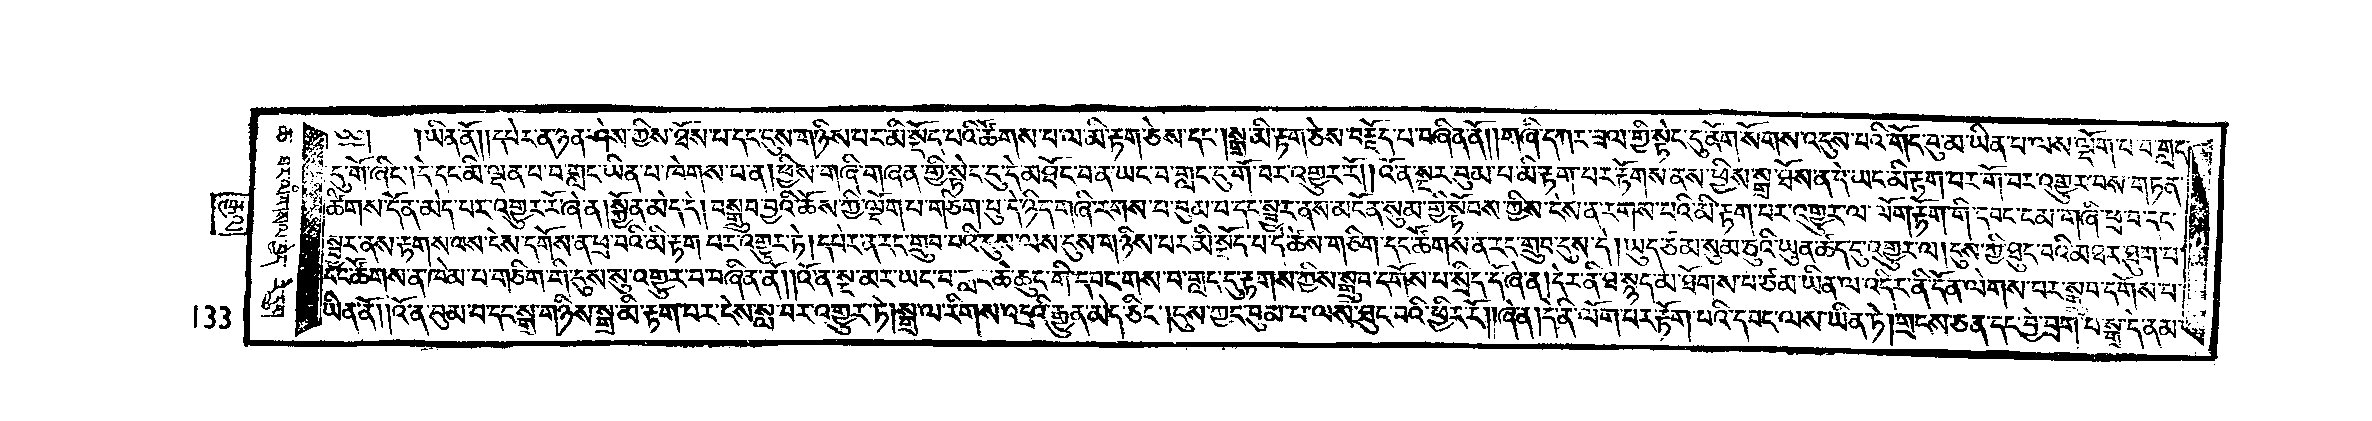༄༅། །ཡིན་ནོ། །དཔེར་ན་ཉན་ཤེས་ཀྱིས་ཐོས་པ་དང་དུས་གཉིས་པར་མི་སྡོད་པའི་ཚོགས་པ་ལ་མི་རྟག་ཅེས་དང་། སྒྲ་མི་རྟག་ཅེས་བརྗོད་པ་བཞིན་ནོ། །གཞི་དཀར་ཟལ་གྱི་སྟེང་དུ་ནོག་སོགས་འདུས་པའི་གོང་བུ་མ་ཡིན་པ་ལས་ལྡོག་པ་བ་གླང་
དུ་གོ་ཞིང་། དེ་དང་མི་ལྡན་པ་བ་གླང་ཡིན་པ་ཁེགས་པ་ན། ཕྱིས་གཞི་གཞན་གྱི་སྟེང་དུ་དེ་མཐོང་བ་ན་ཡང་བ་གླང་དུ་གོ་བར་འགྱུར་རོ། །འོ་ན་སྔར་བུམ་པ་མི་རྟག་པར་རྟོགས་ནས་ཕྱིས་སྒྲ་ཐོས་ན་དེ་ཡང་མི་རྟག་པར་གོ་བར་འགྱུར་བས་གཏན་
ཚིགས་དོན་མེད་པར་འགྱུར་རོ་ཞེ་ན། སྐྱོན་མེད་དེ། བསྒྲུབ་བྱའི་ཆོས་ཀྱི་ལྡོག་པ་གཅིག་པུ་དེ་ཉིད་གཞི་རགས་པ་བུམ་པ་དང་སྦྱར་ནས་མངོན་སུམ་གྱི་སྟོབས་ཀྱིས་ངེས་ན་རགས་པའི་མི་རྟག་པར་འགྱུར་ལ་ལོག་རྟོག་གི་དབང་ངམ་གཞི་ཕྲ་བ་དང་
སྦྱར་ནས་རྟགས་ལས་ངེས་དགོས་ན་ཕྲ་བའི་མི་རྟག་པར་འགྱུར་ཏེ། དཔེར་ན་རང་གྲུབ་པའི་དུས་ལས་དུས་གཉིས་པར་མི་སྡོད་པ་དེ་ཚེས་གཅིག་དང་ཚོགས་ན་རང་གྲུབ་དུས་དེ། ཡུད་ཙམ་སུམ་ཅུའི་ཡུན་ཚད་དུ་འགྱུར་ལ། དུས་ཀྱི་ཐུང་བའི་མཐར་ཐུག་པ་
དང་ཚོགས་ན་ཁེམ་པ་གཅིག་གི་དུས་སུ་འགྱུར་བ་བཞིན་ནོ། །འོ་ན་སྔ་མར་ཡང་བ་གླང་ཆེ་ཆུང་གི་དབང་གིས་བ་གླང་དུ་རྟགས་ཀྱིས་སྒྲུབ་དགོས་པ་སྲིད་དོ་ཞེ་ན། དེར་ནི་ཐ་སྙད་མ་ཐོགས་པ་ཙམ་ཡིན་ལ་འདིར་ནི་དོན་ལེགས་པར་སྒྲུབ་དགོས་པ་
ཡིན་ནོ། །འོ་ན་བུམ་པ་དང་སྒྲ་གཉིས་སྒྲ་མི་རྟག་པར་ངེས་སླ་པར་འགྱུར་ཏེ། སྒྲ་ལ་རིགས་འདྲའི་རྒྱུན་མེད་ཅིང་། དུས་ཀྱང་བུམ་པ་ལས་ཐུང་བའི་ཕྱིར་རོ། །ཞེ་ན། དེ་ནི་ལོག་པར་རྟོག་པའི་དབང་ལས་ཡིན་ཏེ། གྲངས་ཅན་དང་བྱེ་བྲག་པ་སྒྲ་དེ་ནམ་